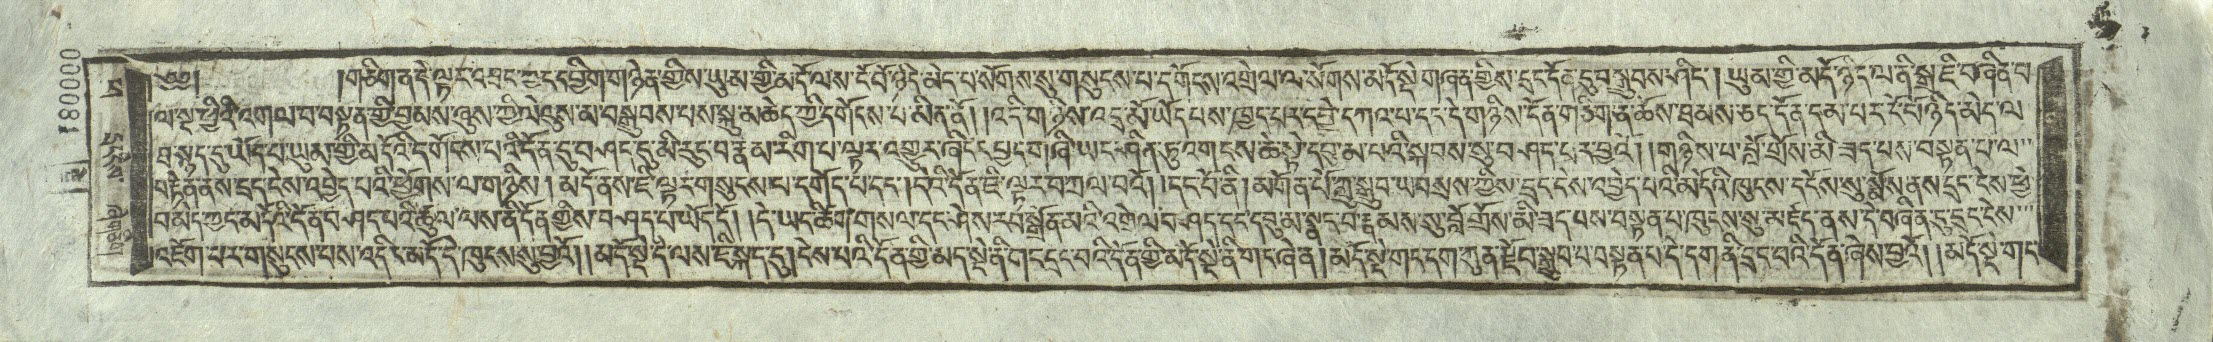༄༅། །གཅིག་ན་དེ་ལྟར་འཐད་ཀྱང་དབྱིག་གཉེན་གྱིས་ཡུམ་གྱི་མདོ་ལས་ངོ་བོ་ཉིད་མེད་པ་སོགས་སུ་གསུངས་པ་དགོངས་འགྲེལ་ལ་སོགས་མདོ་སྡེ་གཞན་གྱིས་དྲང་དོན་དུ་བསྒྲུབས་ཤིང་། ཡུམ་གྱི་མདོ་ཉིད་ལ་ནི་སྒྲ་ཇི་བཞིན་པ་
ལ་སྔ་ཕྱིའི་འགལ་བ་བསྟན་གྱི་བྱམས་ཞུས་ཀྱི་ལེའུས་མ་བསྒྲུབས་པས་སྐུ་མཆེད་ཀྱི་དགོངས་པ་མིན་ནོ། །འདི་གཉིས་འདྲ་མོ་ཡོད་པས་ཁྱད་པར་དབྱེ་དཀའ་བ་དང་དེ་གཉིས་དོན་གཅིག་ན་ཆོས་ཐམས་ཅད་དོན་དམ་པར་ངོ་བོ་ཉིད་མེད་ལ་
ཐ་སྙད་དུ་ཡོད་པ་ཡུམ་གྱི་མདོའི་དགོངས་པའི་དོན་དུ་བཤད་དུ་མི་རུང་བ་རྣམ་རིག་པ་ལྟར་འགྱུར་ཞིང་དཔྱད་གཞི་ཡང་ཤིན་ཏུ་འགངས་ཆེ་སྟེ་དབུ་མ་པའི་སྐབས་སུ་བཤད་པར་བྱའོ། །གཉིས་པ་བློ་གྲོས་མི་ཟད་པས་བསྟན་པ་ལ་
བརྟེན་ནས་དྲང་ངེས་འབྱེད་པའི་ཕྱོགས་ལ་གཉིས། མདོ་ནས་ཇི་ལྟར་གསུངས་པ་དགོད་པ་དང་། དེའི་དོན་ཇི་ལྟར་བཀྲལ་བའོ། །དང་པོ་ནི། མགོན་པོ་ཀླུ་སྒྲུབ་ཡབ་སྲས་ཀྱིས་དྲང་ངེས་འབྱེད་པའི་མདོའི་ཁུངས་དངོས་སུ་སྨོས་ནས་དྲང་ངེས་ཕྱེ་
བ་མེད་ཀྱང་མདོའི་དོན་བཤད་པའི་ཚུལ་ལས་ནི་དོན་གྱིས་བཤད་པ་ཡོད་དོ། །དེ་ཡང་ཚིག་གསལ་དང་ཤེས་རབ་སྒྲོན་མའི་འགྲེལ་བཤད་དང་དབུ་མ་སྣང་བ་རྣམས་སུ་བློ་གྲོས་མི་ཟད་པས་བསྟན་པ་ཁུངས་སུ་མཛད་ནས་དེ་བཞིན་དུ་དྲང་ངེས་
འཇོག་བར་གསུངས་པས་འདིར་མདོ་དེ་ཁུངས་སུ་བྱའོ། །མདོ་སྡེ་དེ་ལས་ཇི་སྐད་དུ། ངེས་པའི་དོན་གྱི་མདོ་སྡེ་ནི་གང་དྲང་བའི་དོན་གྱི་མདོ་སྡེ་ནི་གང་ཞེ་ན། མདོ་སྡེ་གང་དག་ཀུན་རྫོབ་སྒྲུབ་པ་བསྟན་པ་དེ་དག་ནི་དྲང་བའི་དོན་ཞེས་བྱའོ། །མདོ་སྡེ་གང་